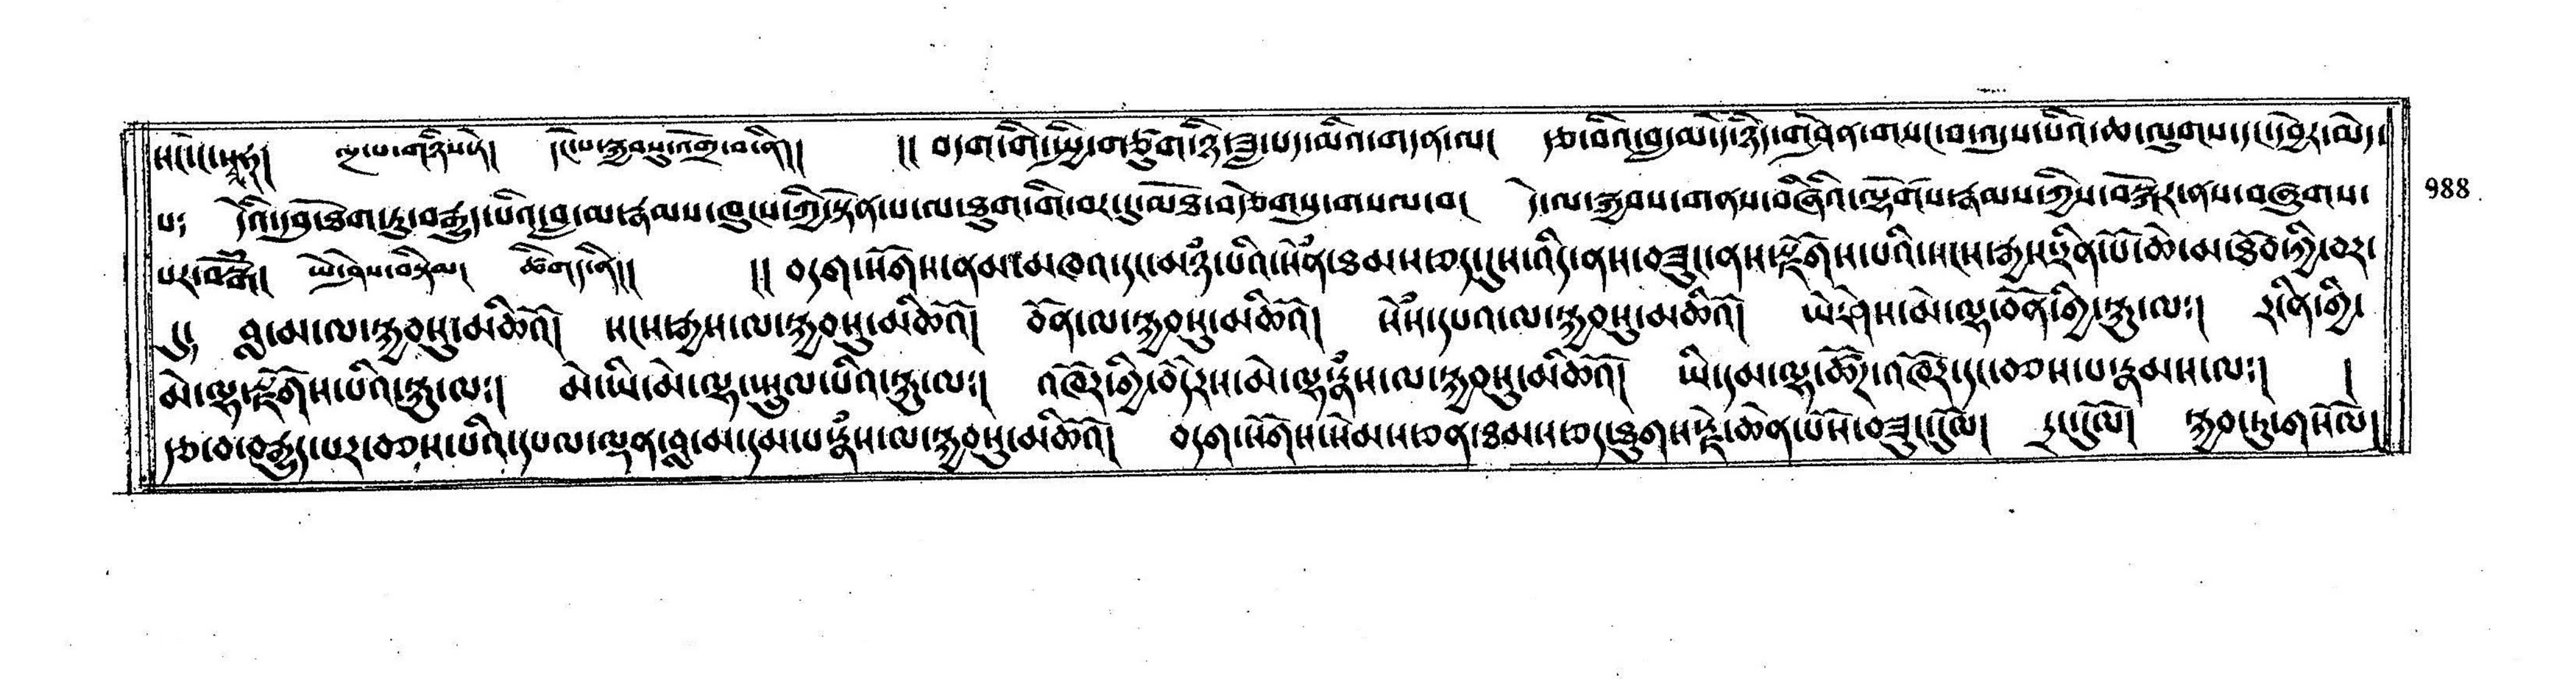སང་ངེ་སྭཱཧཱ། ལྔ་པ་གཉིས་ཏེ། དང་པོ་སྐྱབས་སུ་འགྲོ་བ་ནི།། །།བདག་གི་སྤྱི་གཙུག་ཉི་ཟླ་པད་མའི་གདན་ལ། རྩ་བའི་བླ་མ་དེ་ཉིད་གཤེན་གསང་བ་འདུས་པའི་ཆ་ལུགས་དང་དབྱེར་མེད་
པ། དེའི་དབུ་ཐོག་ཏུ་བརྒྱུད་པའི་བླ་མ་རྣམས་ཁུངས་ཀྱི་སྟོན་པ་ལ་ཐུག་གི་བར་དུ་མཐོ་བརྩེགས་སུ་གསལ་བ། དེ་ལ་སྐྱབས་གནས་བཞིའི་ལྷ་ཚོགས་རྣམས་ཀྱིས་བསྐོར་ནས་བཞུགས་
པར་བསྒོམ། ཡེ་ཤེས་བསྟིམ། ཚིག་བཤད་ནི།། །།བདག་སོགས་ནམ་མཁའ་དང་མཉམ་པའི་སེམས་ཅན་ཐམས་ཅད་དུས་འདི་ནས་བཟུང་ནས་རྫོགས་པའི་སངས་རྒྱས་རིན་པོ་ཆེ་མ་ཐོབ་ཀྱི་བར་
དུ། བླ་མ་ལ་སྐྱབས་སུ་མཆིའོ། སངས་རྒྱས་ལ་སྐྱབས་སུ་མཆིའོ། བོན་ལ་སྐྱབས་སུ་མཆིའོ། སེམས་དཔའ་ལ་སྐྱབས་སུ་མཆིའོ། ཡེ་ཤེས་མེ་ལྷ་བོན་གྱི་སྐུ་ལ༴། རང་བཞིན་གྱི་
མེ་ལྷ་རྫོགས་པའི་སྐུ་ལ༴། མེ་ཡི་མེ་ལྷ་སྤྲུལ་པའི་སྐུ་ལ༴། འཁོར་གྱི་བདེར་གཤེགས་མེ་ལྷ་རྣམས་ལ་སྐྱབས་སུ་མཆིའོ། ཡི་དམ་ལྷ་ཚོགས་འཁོར་དང་བཅས་པ་རྣམས་ལ༴། 
རྩ་བ་བརྒྱུད་པར་བཅས་པའི་དཔལ་ལྡན་བླ་མ་དམ་པ་རྣམས་ལ་སྐྱབས་སུ་མཆིའོ། བདག་སོགས་སེམས་ཅན་ཐམས་ཅད་ཐུགས་རྗེ་ཆེན་པོས་བཟུང་དུ་གསོལ། དྲང་དུ་གསོལ། སྐྱབ་ཏུ་གསོལ།